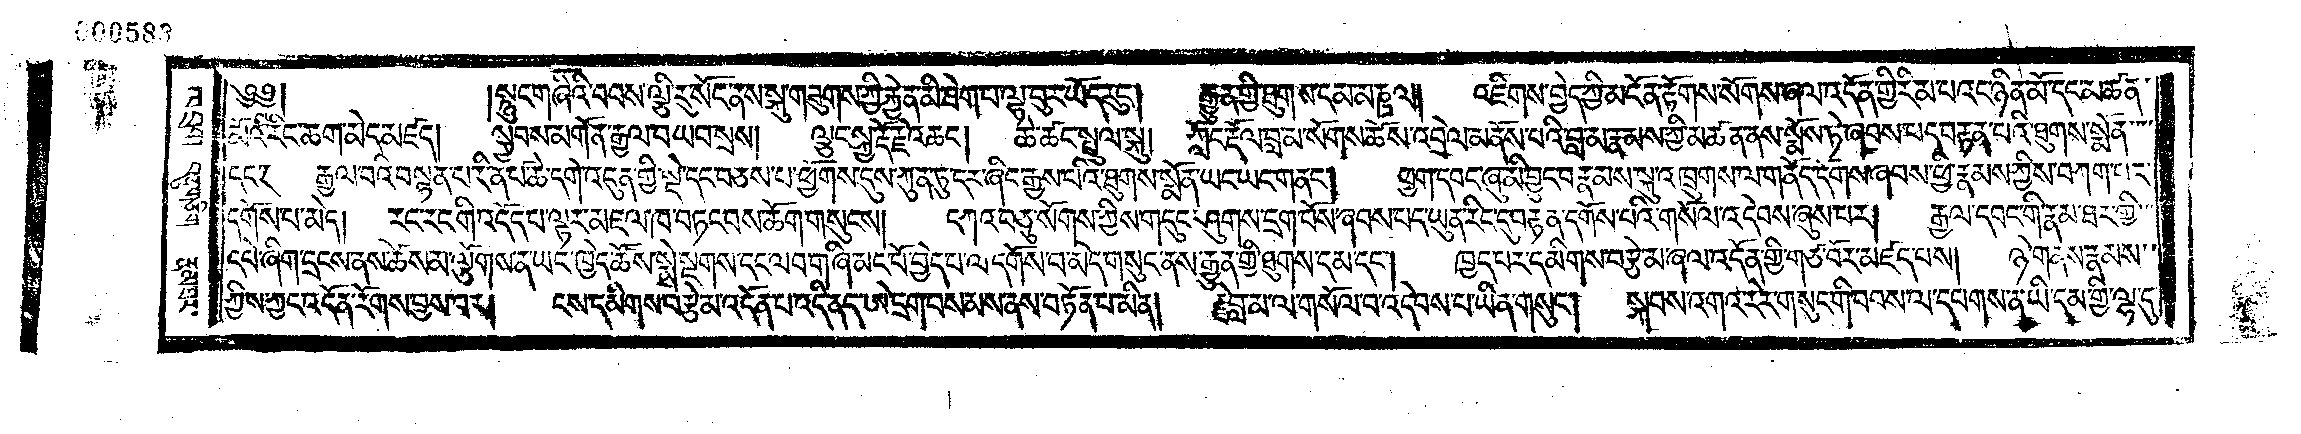༄༅། །སྙུང་གཞིའི་བབས་ལྕི་རུ་སོང་ནས་སྐུ་གཟུགས་ཀྱི་རྐྱེན་མི་ཐེག་པ་ལྟ་བུར་ཡོད་རུང་། རྒྱུན་གྱི་ཐུགས་དམ་མཎྜལ། འཇིགས་བྱེད་ཀྱི་མངོན་རྟོགས་སོགས་ཞལ་འདོན་གྱི་རིམ་པའང་ཉིན་མོ་དང་མཚན་
མོའི་རིང་ཆག་མེད་མཛད། སྐྱབས་མགོན་རྒྱལ་བ་ཡབ་སྲས། ལྕང་སྐྱ་རྡོ་རྗེ་འཆང་། ཆེ་ཚང་སྤྲུལ་སྐུ། ཀློང་རྡོལ་བླ་མ་སོགས་ཆོས་འབྲེལ་མནོས་པའི་བླ་མ་རྣམས་ཀྱི་མཚན་ནས་སྨོས་ཏེ་ཞབས་པད་བརྟན་བའི་ཐུགས་སྨོན་
དང༑ རྒྱལ་བའི་བསྟན་པ་རིན་པོ་ཆེ་དགེ་འདུན་གྱི་སྡེ་དང་བཅས་པ་ཕྱོགས་དུས་ཀུན་ཏུ་དར་ཞིང་རྒྱས་པའི་ཐུགས་སྨོན་ཡང་ཡང་གནང་། ཕྱག་དབང་ཞུ་མི་བྱུང་བ་རྣམས་སྐུ་འཁྲུགས་ལ་གནོད་དོགས་ཞབས་ཕྱི་རྣམས་ཀྱིས་བཀག་པར་
དགོས་པ་མེད། རང་རང་གི་འདོད་པ་ལྟར་མཇལ་ཁ་བཏང་བས་ཆོག་གསུངས། དཀའ་བཅུ་སོགས་ཀྱིས་གདུང་ཤུགས་དྲག་པོས་ཞབས་པད་ཡུན་རིང་དུ་བརྟན་དགོས་པའི་གསོལ་འདེབས་ཞུས་པར། རྒྱལ་དབང་གི་རྣམ་ཐར་གྱི་
དཔེ་ཞིག་དྲངས་ནས་ཚེས་མ་ལྕོགས་ན་ཡང་ཁྱེད་ཚོས་སྨྲེ་སྔགས་དང་ལབ་གཞི་མང་པོ་བྱེད་པ་ལ་དགོས་པ་མེད་གསུང་ནས་རྒྱུན་གྱི་ཐུགས་དམ་དང་། ཁྱད་པར་དམིགས་བརྩེ་མ་ཞལ་འདོན་གྱི་གཙོ་བོར་མཛད་པས། ཉེ་གནས་རྣམས་
ཀྱིས་ཀྱང་འདོན་རོགས་བྱས་པར། ངས་དམིགས་བརྩེ་མ་འདོན་བ་འདི་ནད་ཨེ་དྲག་བསམས་ནས་བཏོན་པ་མིན། རྗེ་བླ་མ་ལ་གསོལ་བ་འདེབས་པ་ཡིན་གསུང་། སྐབས་འགའ་རེར་གསུང་གི་བབས་ལ་དཔགས་ན་ཡི་དམ་གྱི་ལྷ་དུ་